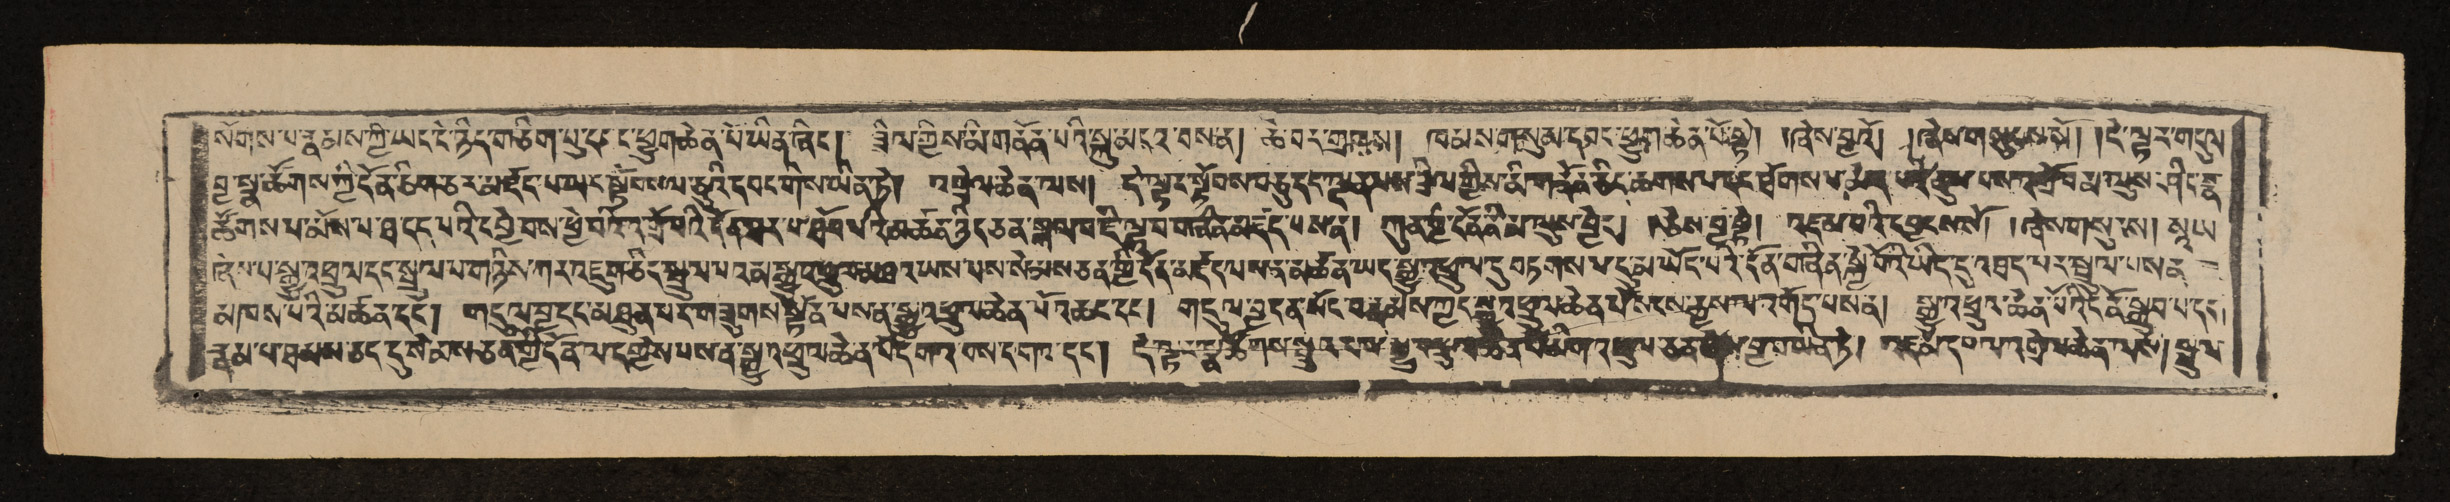སོགས་བ་རྣམས་ཀྱི་ཡང་དེ་ཉིད་གཅིག་པུ་དབང་ཕྱུག་ཆེན་པོ་ཡིན་ཞིང་། ཟིལ་གྱིས་མི་གནོན་པའི་སྐུ་མངའ་བས་ན། ཆེ་བར་གྲགས། ཁམས་གསུམ་དབང་ཕྱུག་ཆེན་པོ་སྟེ། །ཞེས་བྱའོ། །ཞེས་གསུངས་སོ། །དེ་ལྟར་གདུལ་
བྱ་སྣ་ཚོགས་ཀྱི་དོན་ཅིག་ཅར་མཛད་པ་ཡང་སྟོབས་བཅུའི་དབང་གིས་ཡིན་ཏེ། འགྲེལ་ཆེན་ལས། དེ་ལྟར་སྟོབས་བཅུ་དང་ལྡན་པས་ཟིལ་གྱིས་མི་གནོན་ཅིང་ཆགས་པ་དང་ཐོགས་པ་མེད་པའི་ནུས་པས་འགྲོ་བ་མ་ལུས་ཤིང་སྣ་
ཚོགས་པ་མོས་པ་ཐ་དད་པའི་དབྱེ་བས་ཕྱེ་བའི་འགྲོ་བའི་དོན་ཐར་པ་ཐོབ་པའི་མཚན་ཉིད་ཅན་སྐལ་བ་ཇི་ལྟ་བ་བཞིན་མཛད་པས་ན། ཀུན་གྱི་དོན་ནི་མ་ལུས་བྱེད། །ཅེས་བྱ་སྟེ། འཇམ་པའི་དབྱངས་སོ། །ཞེས་གསུངས། མཱ་ཡ་
ཞེས་པ་སྒྱུ་འཕྲུལ་དང་སྤྲུལ་པ་གཉིས་ཀར་འཇུག་ཅིང་སྤྲུལ་པའམ་སྒྱུ་འཕྲུལ་མཐའ་ཡས་པས་སེམས་ཅན་གྱི་དོན་མཛད་པས་ན་མཚན་ཡང་སྒྱུ་འཕྲུལ་དུ་བཏགས་པ་དུ་མ་ཡོད་པའི་དོན་བཞིན་སྐྱེ་བོའི་ཡིད་དུ་འཐད་པར་སྤྲུལ་པས་ན་
མཁས་པའི་མཚན་དང་། གདུལ་བྱ་དང་མཐུན་པར་གཟུགས་སྟོན་པས་ན་སྒྱུ་འཕྲུལ་ཆེན་པོ་འཆང་དང་། གདུལ་བྱ་ངན་སོང་བ་རྣམས་ཀྱང་སྒྱུ་འཕྲུལ་ཆེན་པོ་སངས་རྒྱས་ལ་འགོད་པས་ན། སྒྱུ་འཕྲུལ་ཆེན་པོའི་དོན་སྒྲུབ་པ་དང་
རྣམ་པ་ཐམས་ཅད་དུ་སེམས་ཅན་གྱི་དོན་ལ་དགྱེས་པས་ན་སྐྱུ་འཕྲུལ་ཆེན་པོ་དགའ་བས་དགའ་དང་། དེ་ལྟར་སྣ་ཚོགས་སྤྲུལ་པས་སྒྱུ་འཕྲུལ་ཆེན་པོ་མིག་འཕྲུལ་ཅན་ཞེས་བྱ་བ་ཡིན་ཏེ། འཇམ་དཔལ་འགྲེལ་ཆེན་ལས། སྤྲུལ་